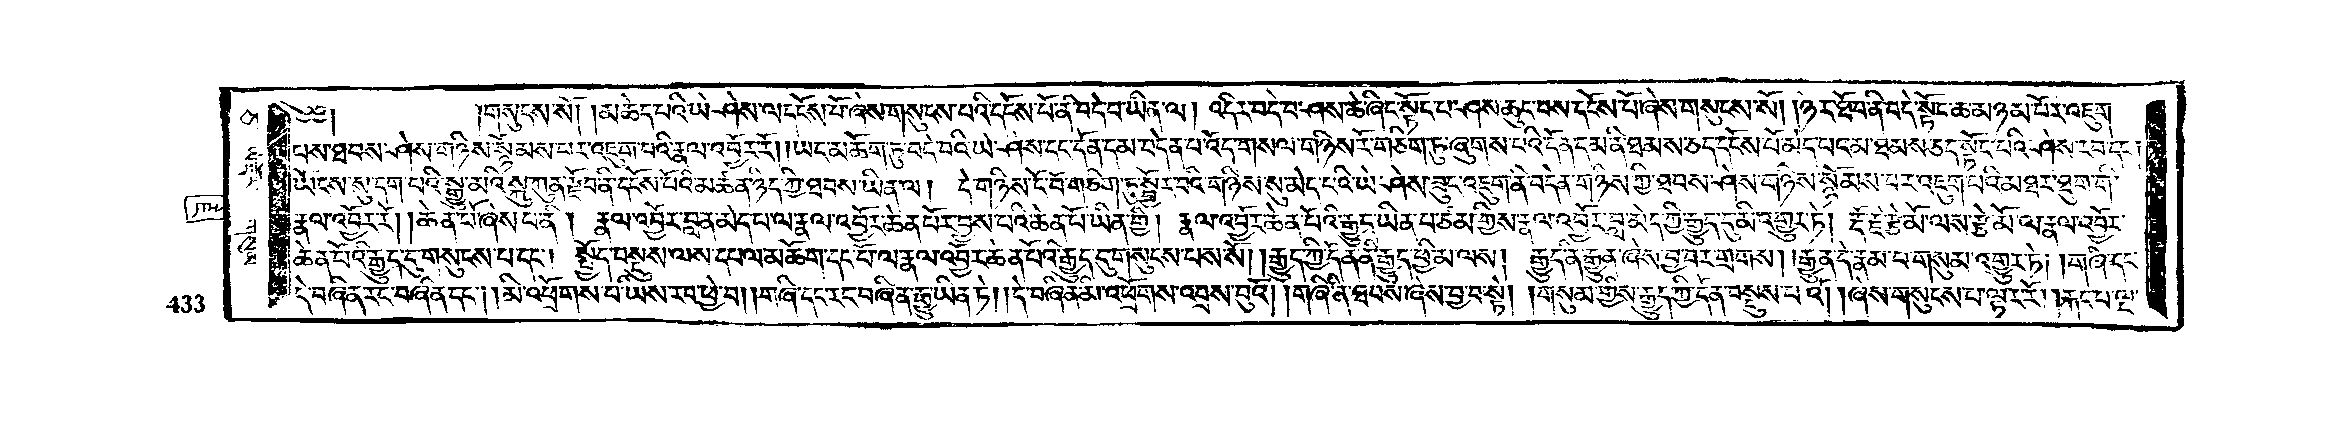༄༅། །གསུངས་སོ། །མཆེད་པའི་ཡེ་ཤེས་ལ་དངོས་པོ་ཞེས་གསུངས་པའི་དངོས་པོ་ནི་བདེ་བ་ཡིན་ལ། འདིར་བདེ་བ་ཤས་ཆེ་ཞིང་སྟེང་པ་ཤས་ཆུང་བས་དངོས་པོ་ཞེས་གསུངས་སོ། །ཉེར་ཐོབ་ནི་བདེ་སྟོང་ཆ་མཉམ་པོར་འཇུག་
པས་ཐབས་ཤེས་གཉིས་སྙོམས་པར་འཇུག་པའི་རྣལ་འབྱོར་རོ། །ཡང་མཆོག་ཏུ་བདེ་བའི་ཡེ་ཤེས་དང་དོན་དམ་བདེན་པ་འོད་གསལ་གཉིས་རོ་གཅིག་ཏུ་ཞུགས་པའི་དོན་དམ་ནི་ཐམས་ཅད་དངོས་པོ་མེད་པའམ་ཐམས་ཅད་སྟོང་པའི་ཤེས་རབ་དང་།
ཡོངས་སུ་དག་པའི་སྒྱུ་མའི་སྐུ་ཀུན་རྫོབ་ནི་དངོས་པོའི་མཚན་ཉིད་ཀྱི་ཐབས་ཡིན་ལ། དེ་གཉིས་ངོ་བོ་གཅིག་ཏུ་སྦྱོར་བའི་གཉིས་སུ་མེད་པའི་ཡེ་ཤེས་ཟུང་འཇུག་ནི་བདེན་གཉིས་ཀྱི་ཐབས་ཤེས་གཉིས་སྙོམས་པར་འཇུག་པའི་མཐར་ཐུག་གི་
རྣལ་འབྱོར་རོ། །ཆེན་པོ་ཞེས་པ་ནི། རྣལ་འབྱོར་བླ་ན་མེད་པ་ལ་རྣལ་འབྱོར་ཆེན་པོར་བྱས་པའི་ཆེན་པོ་ཡིན་གྱི། རྣལ་འབྱོར་ཆེན་པོའི་རྒྱུད་ཡིན་པ་ཙམ་གྱིས་རྣལ་འབྱོར་བླ་མེད་ཀྱི་རྒྱུད་དུ་མི་འགྱུར་ཏེ། རྡོ་རྗེ་རྩེ་མོ་ལས་རྩེ་མོ་ལ་རྣལ་འབྱོར་
ཆེན་པོའི་རྒྱུད་དུ་གསུངས་པ་དང་། སྤྱོད་བསྡུས་ལས་དཔལ་མཆོག་དང་པོ་ལ་རྣལ་འབྱོར་ཆེན་པོའི་རྒྱུད་དུ་གསུངས་པས་སོ། །རྒྱུད་ཀྱི་དོན་ནི་རྒྱུད་ཕྱི་མ་ལས། རྒྱུད་ནི་རྒྱུན་ཞེས་བྱ་བར་གྲགས། །རྒྱུན་དེ་རྣམ་པ་གསུམ་འགྱུར་ཏེ། །གཞི་དང་
དེ་བཞིན་རང་བཞིན་དང་། །མི་འཕྲོགས་པ་ཡིས་རབ་ཕྱེ་བ། །གཞི་དང་རང་བཞིན་རྒྱུ་ཡིན་ཏེ། །དེ་བཞིན་མི་འཕྲོགས་འབྲས་བུའོ། །གཞི་ནི་ཐབས་ཞེས་བྱ་བ་སྟེ། །གསུམ་གྱིས་རྒྱུད་ཀྱི་དོན་བསྡུས་པའོ། །ཞེས་གསུངས་པ་ལྟར་རོ། །རྐང་པ་ལྔ་